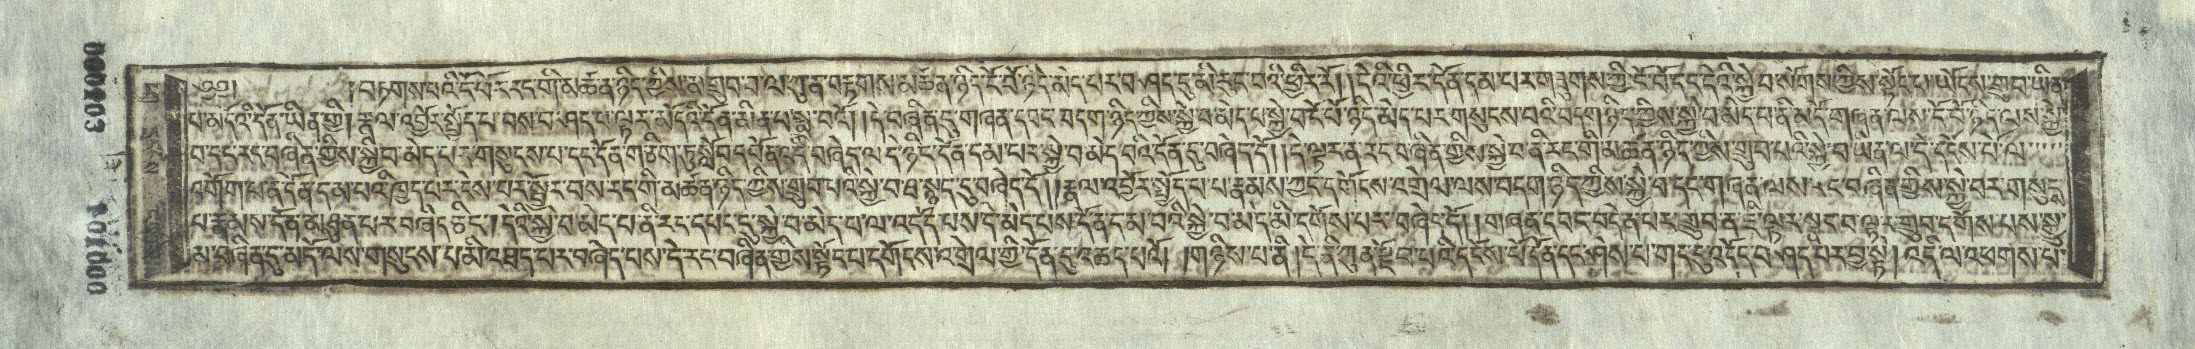༄༅། །བཏགས་པའི་ངོ་བོར་རང་གི་མཚན་ཉིད་ཀྱིས་མ་གྲུབ་པ་ལ་ཀུན་བརྟགས་མཚན་ཉིད་ངོ་བོ་ཉིད་མེད་པར་བཤད་དུ་མི་རུང་བའི་ཕྱིར་རོ། །དེའི་ཕྱིར་དོན་དམ་པར་གཟུགས་ཀྱི་ངོ་བོ་དང་དེའི་སྐྱེ་བ་སོགས་ཀྱིས་སྟོང་པ་ཡོངས་གྲུབ་ཡིན་
བ་མདོའི་དོན་ཡིན་གྱི། རྣལ་འབྱོར་སྤྱོད་པ་པས་བཤད་པ་ལྟར་མདོའི་དོན་མིན་པ་སྨྲ་བའོ། །དེ་བཞིན་དུ་གཞན་དབང་བདག་ཉིད་ཀྱིས་སྐྱེ་བ་མེད་པ་སྐྱེ་བ་ངོ་བོ་ཉིད་མེད་པར་གསུངས་པའི་བདག་ཉིད་ཀྱིས་སྐྱེ་བ་མེད་པ་ནི་མདོ་གཞན་ལས་ངོ་བོ་ཉིད་ལས་སྐྱེ་
བ་དང་རང་བཞིན་གྱིས་སྐྱེ་བ་མེད་པར་གསུངས་པ་དང་དོན་གཅིག་ཏུ་སློབ་དཔོན་འདི་བཞེད་ལ་དེ་ཉིད་དོན་དམ་པར་སྐྱེ་བ་མེད་པའི་དོན་དུ་བཞེད་དོ། །དེ་ལྟར་ན་རང་བཞིན་གྱིས་སྐྱེ་བ་ནི་རང་གི་མཚན་ཉིད་ཀྱིས་གྲུབ་པའི་སྐྱེ་བ་ཡིན་ལ་དེ་དངོས་པོ་ལ་
འགོག་པ་ན་དོན་དམ་པའི་ཁྱད་པར་ངེས་པར་སྦྱོར་བས་རང་གི་མཚན་ཉིད་ཀྱིས་གྲུབ་པའི་སྐྱེ་བ་ཐ་སྙད་དུ་བཞེད་དོ། །རྣལ་འབྱོར་སྤྱོད་པ་བ་རྣམས་ཀྱང་དགོངས་འགྲེལ་ལས་བདག་ཉིད་ཀྱིས་སྐྱེ་བ་དང་གཞན་ལས་རང་བཞིན་གྱིས་སྐྱེ་བར་གསུངས་
པ་རྣམས་དོན་མཐུན་པར་བཞེད་ཅིང་། དེའི་སྐྱེ་བ་མེད་པ་ནི་རང་དབང་དུ་སྐྱེ་བ་མེད་པ་ལ་འདོད་པས་དེ་མེད་པས་དོན་དམ་པའི་སྐྱེ་བ་མེད་མི་དགོས་པས་བཞེད་དོ། །གཞན་དབང་བདེན་པར་གྲུབ་ན་ཇི་ལྟར་སྣང་བ་ལྟར་གྲུབ་དགོས་པས་སྒྱུ་
མ་བཞིན་དུ་མདོ་ལས་གསུངས་པ་མི་འཐད་པར་བཞེད་པས་དེ་རང་བཞིན་གྱིས་སྟོང་པ་དགོངས་འགྲེལ་གྱི་དོན་དུ་འཆད་པའོ། །གཉིས་པ་ནི། དེ་ནི་ཀུན་རྫོབ་པའི་དངོས་པོ་དོན་དང་ཤེས་པ་གང་དུ་འདོད་བཤད་པར་བྱ་སྟེ། འདི་ལ་འཕགས་པ་